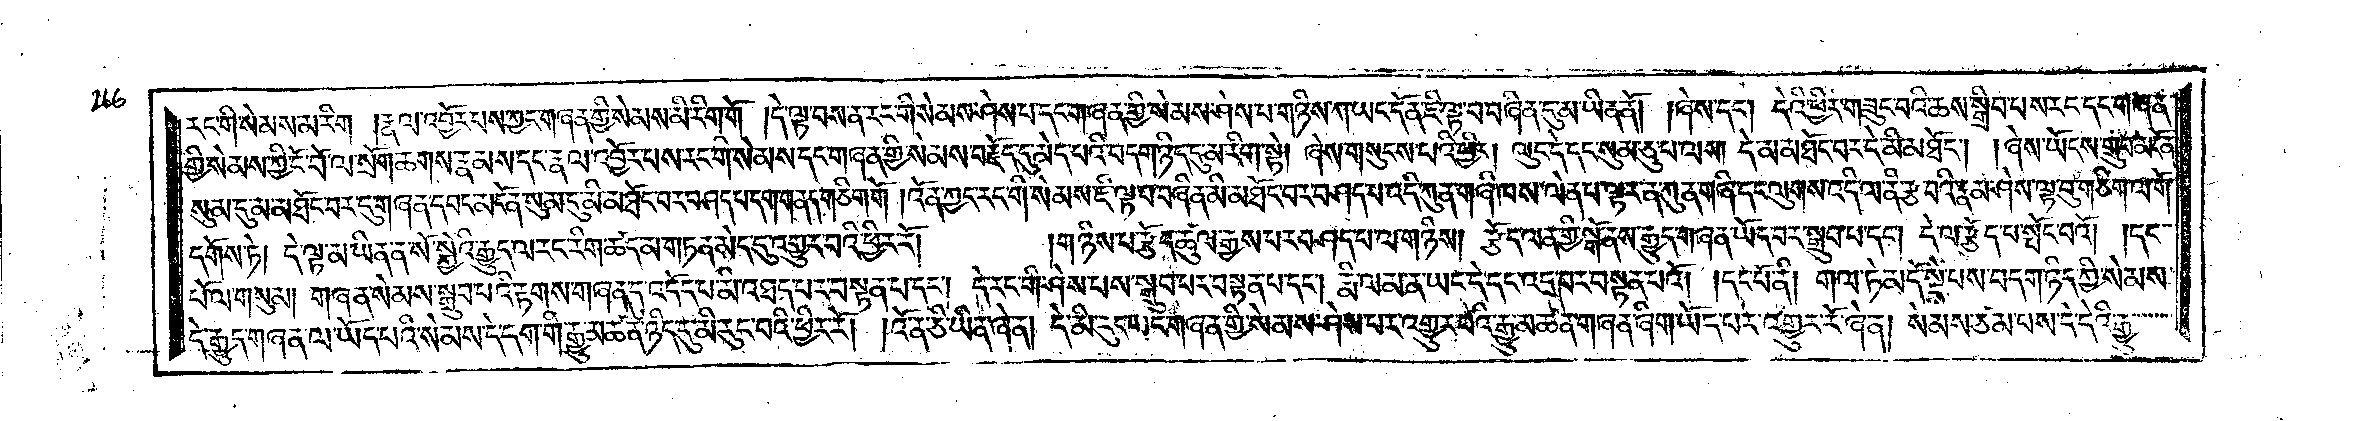རང་གི་སེམས་མ་རིག །རྣལ་འབྱོར་པས་ཀྱང་གཞན་གྱི་སེམས་མི་རིག་གོ །དེ་ལྟ་བས་ན་རང་གི་སེམས་ཤེས་པ་དང་གཞན་གྱི་སེམས་ཤེས་པ་གཉིས་ཀ་ཡང་དོན་ཇི་ལྟ་བ་བཞིན་དུ་མ་ཡིན་ནོ། །ཞེས་དང་། དེའི་ཕྱིར་གཟུང་བའི་ཆས་སྒྲིབ་པས་རང་དང་གཞན་
གྱི་སེམས་ཀྱི་ངོ་བོ་ལ་སྲོག་ཆགས་རྣམས་དང་རྣལ་འབྱོར་པས་རང་གི་སེམས་དང་གཞན་གྱི་སེམས་བརྗོད་དུ་མེད་པའི་བདག་ཉིད་དུ་མ་རིག་སྟེ། ཞེས་གསུངས་པའི་ཕྱིར། ལུང་དེ་དང་སུམ་ཅུ་པ་ལས། དེ་མ་མཐོང་བར་དེ་མི་མཐོང་། །ཞེས་ཡོངས་གྲུབ་མངོན་
སུམ་དུ་མ་མཐོང་བར་དུ་གཞན་དབང་མངོན་སུམ་དུ་མི་མཐོང་བར་བཤད་པ་དག་གནད་གཅིག་གོ །འོན་ཀྱང་རང་གི་སེམས་ཇི་ལྟ་བ་བཞིན་མི་མཐོང་བར་བཤད་པ་འདི་ཀུན་གཞི་ཁས་ལེན་པ་ལྟར་ན་ཀུན་གཞི་དང་ལུགས་འདི་ལ་ནི་རྩ་བའི་རྣམ་ཤེས་ལྟ་བུ་གཅིག་ལ་གོ་
དགོས་ཏེ། དེ་ལྟ་མ་ཡིན་ན་སོ་སྐྱེའི་རྒྱུད་ལ་རང་རིག་ཚད་མ་གཏན་མེད་དུ་འགྱུར་བའི་ཕྱིར་རོ། །གཉིས་པ་རྩོད་ཚུལ་རྒྱས་པར་བཤད་པ་ལ་གཉིས། རྩོད་ལན་གྱི་སྒོ་ནས་རྒྱུད་གཞན་ཡོད་བར་སྒྲུབ་པ་དང་། དེ་ལ་རྩོད་པ་སྤོང་བའོ། །དང་
པོ་ལ་གསུམ། གཞན་སེམས་སྒྲུབ་པའི་རྟགས་གཞན་དུ་འདོད་པ་མི་འཐད་པར་བསྟན་པ་དང་། དེ་རང་གི་ཤེས་པས་སྒྲུབ་པར་བསྟན་པ་དང་། རྨི་ལམ་ན་ཡང་དེ་དང་འདྲ་བར་བསྟན་པའོ། །དང་པོ་ནི། གལ་ཏེ་མདོ་སྡེ་པས་བདག་ཉིད་ཀྱི་སེམས་
དེ་རྒྱུད་གཞན་ལ་ཡོད་པའི་སེམས་དེ་དག་གི་རྒྱུ་མཚན་ཉིད་དུ་མི་རུང་བའི་ཕྱིར་རོ། །འོ་ན་ཅི་ཡིན་ཞེ་ན། དེ་མི་རུང་ཡང་གཞན་གྱི་སེམས་ཤེས་པར་འགྱུར་བའི་རྒྱུ་མཚན་གཞན་ཞིག་ཡོད་པར་འགྱུར་རོ་ཞེ་ན། སེམས་ཙམ་པས་དེ་དེའི་རྒྱུ་